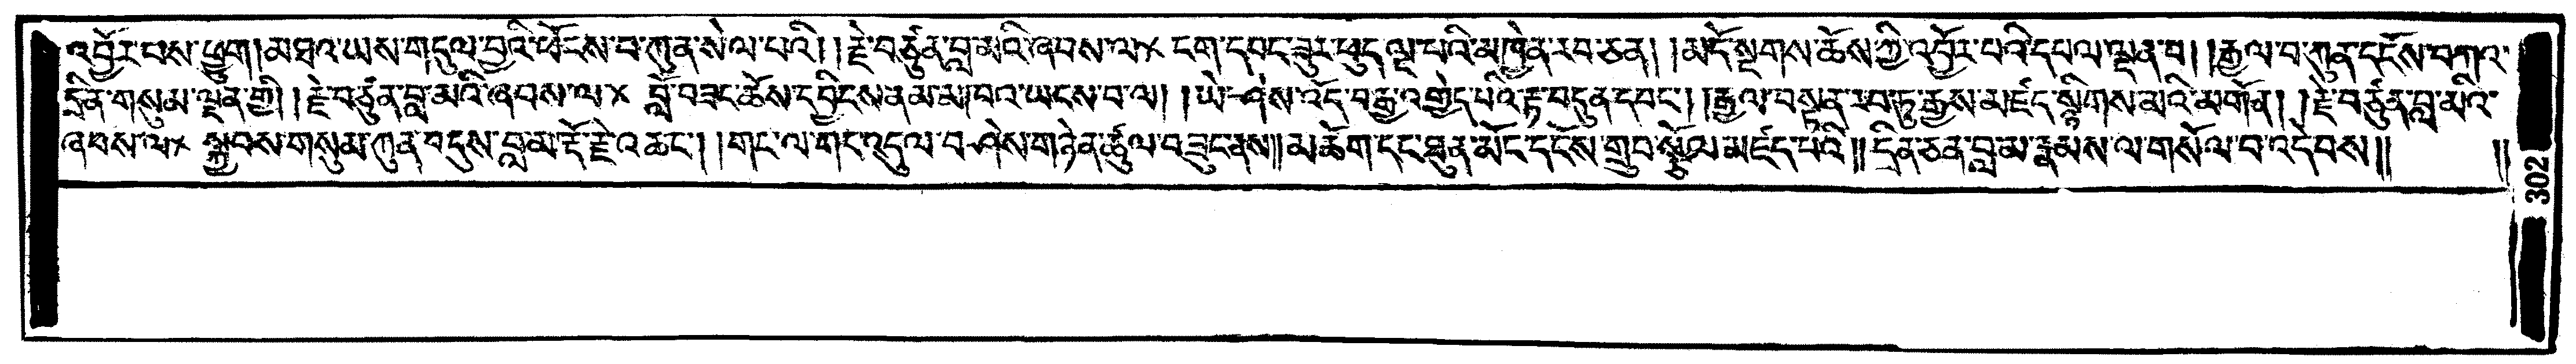འབྱོར་བས་ཕྱུག །མཐའ་ཡས་གདུལ་བྱའི་ཕོངས་བ་ཀུན་སེལ་བའི། །རྗེ་བཙུན་བླ་མའི་ཞབས་ལ་{྾}་ངག་དབང་ཟུར་ཕུད་ལྔ་པའི་མཁྱེན་རབ་ཅན། །མདོ་སྔགས་ཆོས་ཀྱི་འབྱོར་པའི་དཔལ་ལྡན་པ། །རྒྱལ་བ་ཀུན་དངོས་བཀའ་
དྲིན་གསུམ་ལྡན་གྱི། །རྗེ་བཙུན་བླ་མའི་ཞབས་ལ་{྾}་བློ་བཟང་ཆོས་དབྱིངས་ནམ་མཁའ་ཡངས་བ་ལ། །ཡེ་ཤེས་འོད་བརྒྱ་འགྱེད་པའི་རྟ་བདུན་དབང་། །རྒྱལ་བསྟན་རབ་ཏུ་རྒྱས་མཛད་སྙིགས་མའི་མགོན། །རྗེ་བཙུན་བླ་མའི་
ཞབས་ལ་{྾}་སྐྱབས་གསུམ་ཀུན་འདུས་བླ་མ་རྡོ་རྗེ་འཆང་། །གང་ལ་གང་འདུལ་བཤེས་གཉེན་ཚུལ་བཟུང་ནས། །མཆོག་དང་ཐུན་མོང་དངོས་གྲུབ་སྩོལ་མཛད་པའི། །དྲིན་ཅན་བླ་མ་རྣམས་ལ་གསོལ་བ་འདེབས།། །།